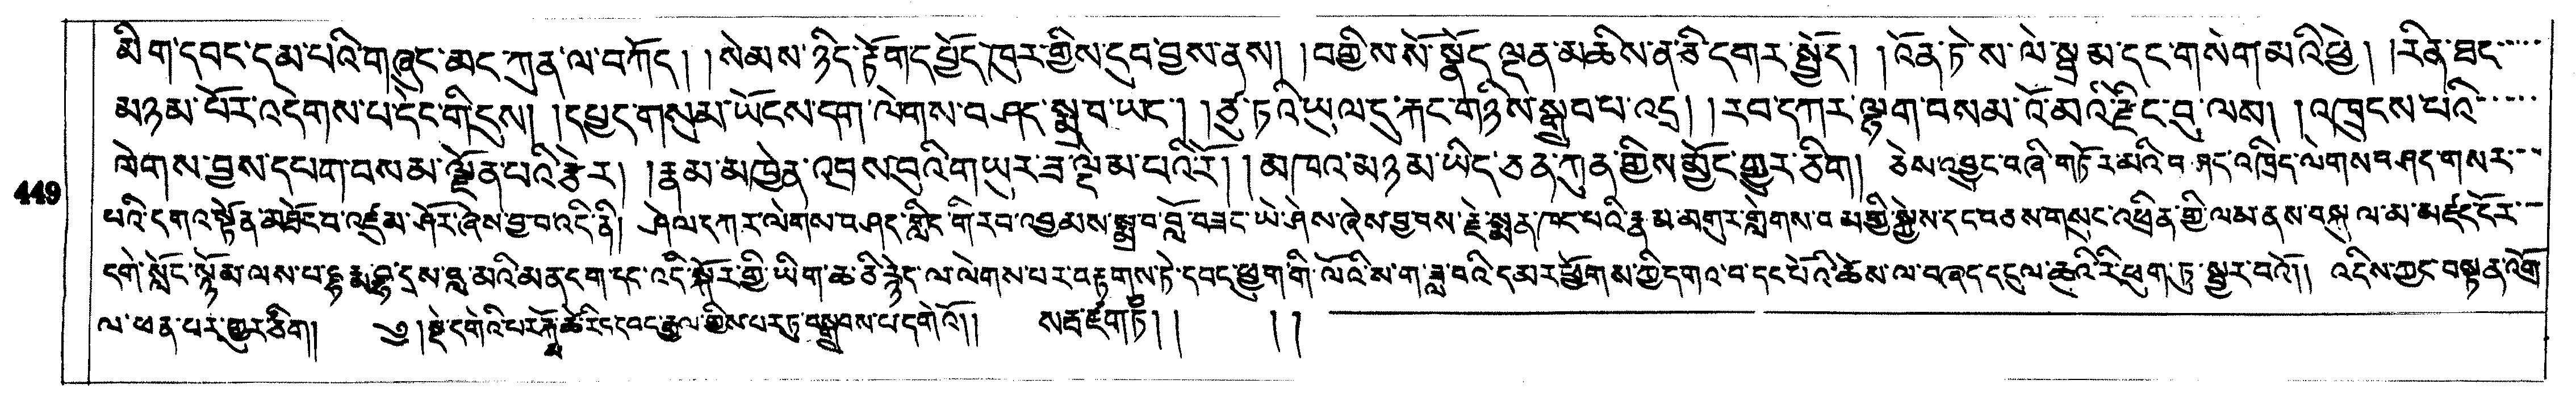མིག་དབང་དམ་པའི་གཞུང་མང་ཀུན་ལ་བཀོད། །སེམས་ཉིད་རྟོག་དཔྱོད་ཁུར་གྱིས་དུབ་བྱས་ནས། །བགྱིས་སོ་སྣོད་ལྡན་མཆིས་ན་ཅི་དགར་སྤྱོད། །འོན་ཏེ་ས་ལེ་སྦྲམ་དང་གསེག་མའི་ཕྱེ། །རིན་ཐང་
མཉམ་པོར་འདེགས་པ་དེང་གི་དུས། །དཔྱད་གསུམ་ཡོངས་དག་ལེགས་བཤད་སྨྲ་བ་ཡང་། །ཙུ་ཏའི་ཡུལ་དུ་རྐང་གཉིས་སྒྲུབ་པ་འདྲ། །རབ་དཀར་ལྷག་བསམ་འོ་མའི་རྫིང་བུ་ལས། །འཁྲུངས་པའི་
ལེགས་བྱས་དཔག་བསམ་ལྗོན་པའི་རྩེར། །རྣམ་མཁྱེན་འབྲས་བུའི་གཡུར་ཟ་ལྡེམ་པའི་རོ། །མཁའ་མཉམ་ཡིད་ཅན་ཀུན་གྱིས་མྱོང་གྱུར་ཅིག །ཅེས་འབྱུང་བཞི་གཏོར་མའི་བཤད་འཁྲིད་ལེགས་བཤད་གསར་
པའི་དགའ་སྟོན་མཐོང་བ་འཛུམ་ཤོར་ཞེས་བྱ་བ་འདི་ནི། ཤེལ་དཀར་ལེགས་བཤད་གླིང་གི་རབ་འབྱམས་སྨྲ་བ་བློ་བཟང་ཡེ་ཤེས་ཞེས་བྱ་བས་རྗེ་སྨན་ཁང་པའི་རྣམ་མགུར་གླེགས་བམ་གྱི་སྐྱེས་དང་བཅས་གསུང་འཕྲིན་གྱི་ལམ་ནས་བསྐུལ་མ་མཛད་ངོར་
དགེ་སློང་སྙོམ་ལས་པ་དྷརྨ་བྷ་དྲས་བླ་མའི་མན་ངག་དང་འདི་སྐོར་གྱི་ཡིག་ཆ་ཅི་རྙེད་ལ་ལེགས་པར་བརྟགས་ཏེ་དབང་ཕྱུག་གི་ལོའི་ས་ག་ཟླ་བའི་དམར་ཕྱོགས་ཀྱི་དགའ་བ་དང་པོའི་ཚེས་ལ་བཞད་དངུལ་ཆུའི་རི་ཕུག་ཏུ་སྦྱར་བའོ། །འདིས་ཀྱང་བསྟན་འགྲོ་
ལ་ཕན་པར་གྱུར་ཅིག ། ༄༅། སྡེ་དགེའི་པར་རྐོས་ཚེ་རིང་དབང་རྒྱལ་གྱིས་པར་ཏུ་བསྒྲུབས་པ་དགེའོ།། སརྦ་ཛག་ཏཾ།། །།